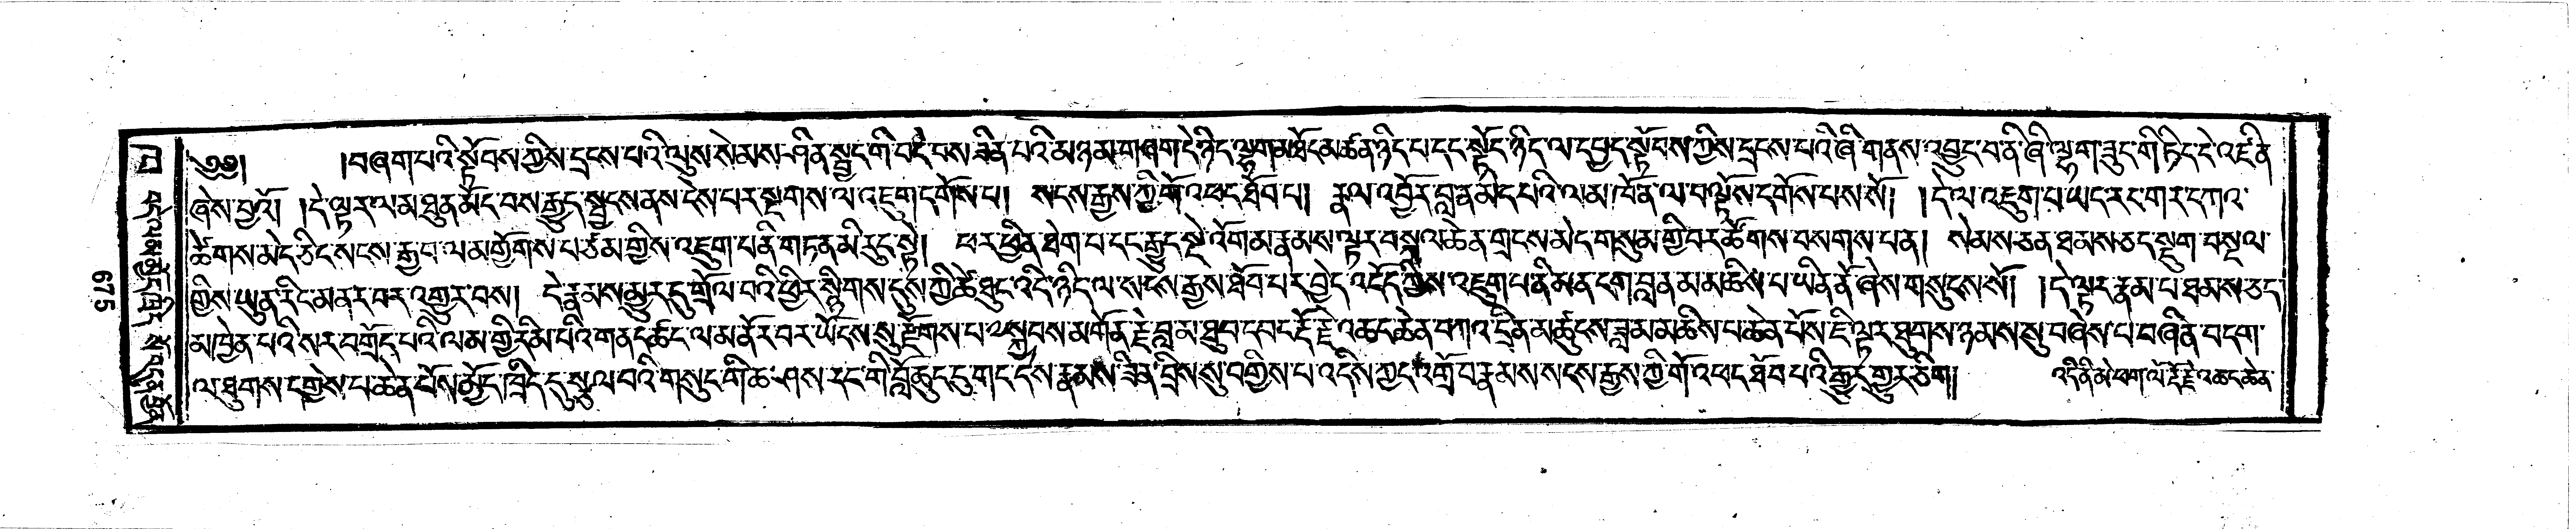༄༅། །བཞག་པའི་སྟོབས་ཀྱིས་དྲངས་པའི་ལུས་སེམས་ཤིན་སྦྱང་གི་བདེ་བས་ཟིན་པའི་མཉམ་གཞག་དེ་ཉིད་ལྷག་མཐོང་མཚན་ཉིད་པ་དང་སྟོང་ཉིད་ལ་དཔྱད་སྟོབས་ཀྱིས་དྲངས་པའི་ཞི་གནས་འབྱུང་བ་ནི་ཞི་ལྷག་ཟུང་གི་ཏིང་ངེ་འཛིན་
ཞེས་བྱའོ། །དེ་ལྟར་ལ་མཐུན་མོང་བས་རྒྱུད་སྦྱངས་ནས་ངེས་པར་སྔགས་ལ་འཇུག་དགོས་པ། སངས་རྒྱས་ཀྱི་གོ་འཕད་ཐོབ་པ། རྣལ་འབྱོར་བླ་ན་མེད་པའི་ལམ་ཁོ་ན་ལ་བལྟོས་དགོས་པས་སོ། །དེ་ལ་འཇུག་པ་ཡང་རང་གར་དཀའ་
ཚེགས་མེད་ཅིང་སངས་རྒྱ་བ་ལ་མགྱོགས་པ་ཙམ་གྱིས་འཇུག་པ་ནི་གཏན་མི་རུང་སྟེ། ཕར་ཕྱིན་ཐེག་པ་དང་རྒྱུད་སྡེ་འོག་མ་རྣམས་ལྟར་བསྐལ་ཆེན་གྲངས་མེད་གསུམ་གྱི་བར་ཚོགས་བསགས་པ་ན། སེམས་ཅན་ཐམས་ཅད་སྡུག་བསྔལ་
གྱིས་ཡུན་རིང་མནར་བར་འགྱུར་བས། དེ་རྣམས་མྱུར་དུ་གྲོལ་བའི་ཕྱིར་སྙིགས་དུས་ཀྱི་ཚེ་ཐུང་འདི་ཉིད་ལ་སངས་རྒྱས་ཐོབ་པར་བྱེད་འདོད་ཀྱིས་འཇུག་པ་ནི་མན་ངག་བླ་ན་མ་མཆིས་པ་ཡིན་ནོ་ཞེས་གསུངས་སོ། །དེ་ལྟར་རྣམ་པ་ཐམས་ཅད་
མཁྱེན་པའི་སར་བགྲོད་པའི་ལམ་གྱི་རིམ་པའི་གནད་ཚང་ལ་མནོར་བར་ཡོངས་སུ་རྫོགས་པ་༧་སྐྱབས་མགོན་རྗེ་བླ་མ་ཐུབ་དབང་རྡོ་རྗེ་འཆང་ཆེན་བཀའ་དྲིན་མཚུངས་ཟླ་མ་མཆིས་པ་ཆེན་པོས་ཇི་ལྟར་ཐུགས་ཉམས་སུ་བཞེས་པ་བཞིན་བདག་
ལ་ཐུགས་དགྱེས་པ་ཆེན་པོས་མྱོད་ཁྲིད་དུ་སྩལ་བའི་གསུང་གི་ཆ་ཤས་རང་གི་བློ་ཆུང་དུ་གང་དེས་རྣམས་ཟིན་བྲིས་སུ་བགྱིས་པ་འདིས་ཀྱང་འགྲོ་བ་རྣམས་སངས་རྒྱས་ཀྱི་གོ་འཕང་ཐོབ་པའི་རྒྱུར་གྱུར་ཅིག། འདི་ནི་མེ་ཕག་ལོ་རྡོ་རྗེ་འཆང་ཆེན་